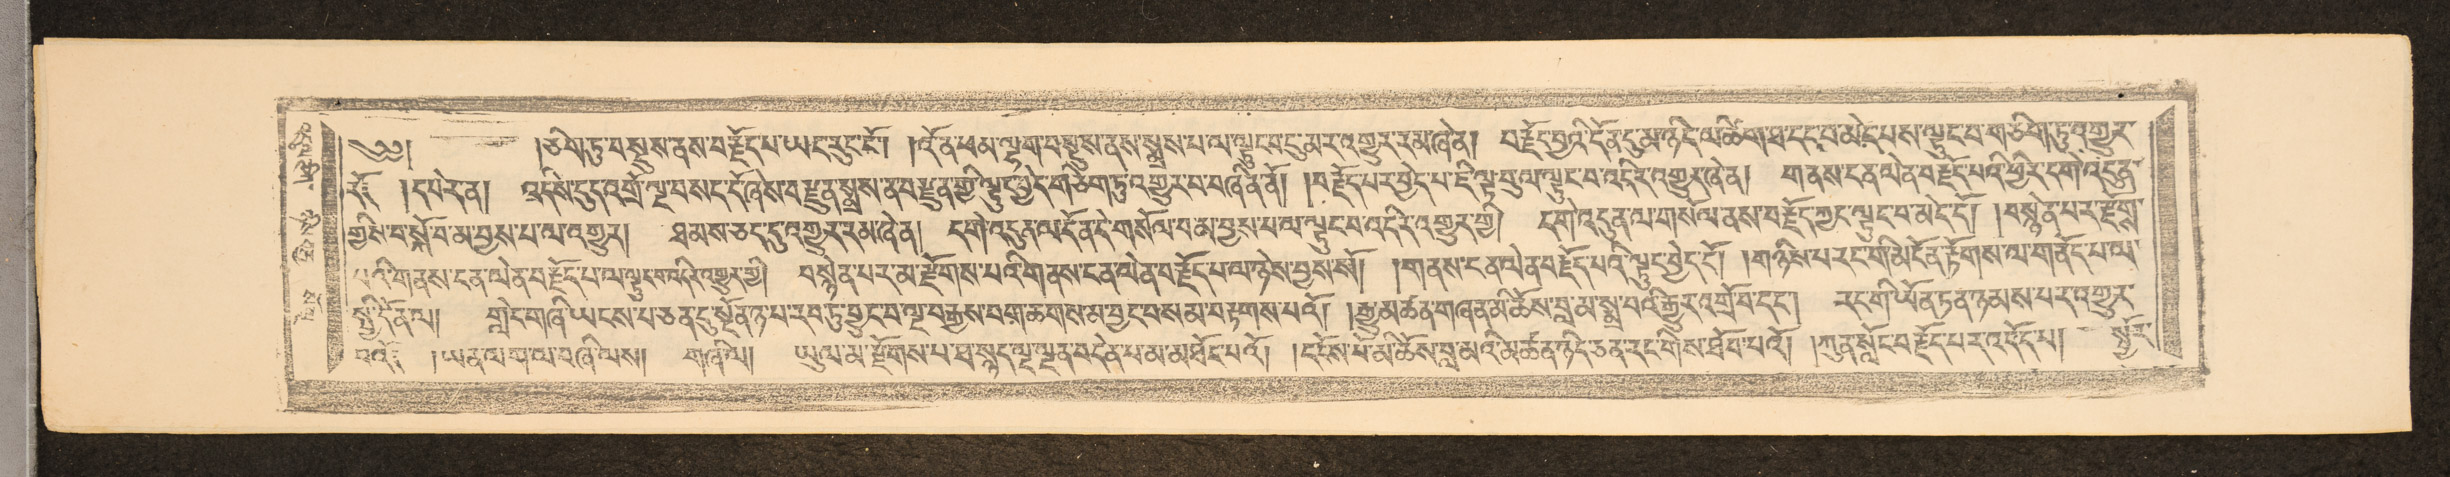༄༅། །ཅིག་ཏུ་བསྡུས་ནས་བརྗོད་པ་ཡང་རུང་ངོ། །འོ་ན་ཕམ་ལྷག་བསྡུས་ནས་སྨྲས་པ་ལ་ལྟུང་བ་དུ་མར་འགྱུར་རམ་ཞེ་ན། བརྗོད་བྱའི་དོན་དུ་མ་ཉིད་ལ་ཚིག་ཐ་དད་པ་མེད་པས་ལྟུང་བ་གཅིག་ཏུ་འགྱུར་
རོ༑ །དཔེར་ན། འདིས་དུད་འགྲོ་ལྔ་བསད་དོ་ཞེས་བརྫུན་སྨྲས་ན་བརྫུན་གྱི་ལྟུང་བྱེད་གཅིག་ཏུ་འགྱུར་བ་བཞིན་ནོ། །བརྗོད་པར་བྱེད་པ་ཇི་ལྟ་བུ་ལ་ལྟུང་བ་འདིར་འགྱུར་ཞེ་ན། གནས་ངན་ལེན་བརྗོད་པའི་ཕྱིར་དགེ་འདུན་
གྱིས་བསྐོབ་མ་བྱས་བ་ལ་འགྱུར། ཐམས་ཅད་དུ་འགྱུར་རམ་ཞེ་ན། དགེ་འདུན་ལ་དོན་དེ་གསོལ་བ་མ་བྱས་པ་ལ་ལྟུང་བ་འདིར་འགྱུར་གྱི། དགེ་འདུན་ལ་གསོལ་ནས་བརྗོད་ཀྱང་ལྟུང་བ་མེད་དོ། །བསྙེན་བར་རྫོགས་
པའི་གནས་ངན་ལེན་བརྗོད་བ་ལ་ལྟུང་བ་འདིར་འགྱུར་གྱི། བསྙེན་བར་མ་རྫོགས་པའི་གནས་ངན་ལེན་བརྗོད་པ་ལ་ཉེས་བྱས་སོ། །གནས་ངན་ལེན་བརྗོད་པའི་ལྟུང་བྱེད་དོ། །གཉིས་པ་རང་གི་མངོན་རྟོགས་ལ་གནོད་པ་ལ་
སྤྱི་དོན་ལ། གླེང་གཞི་ཡངས་པ་ཅན་དུ་སྔོན་ཉ་བ་རབ་ཏུ་བྱུང་བ་ལྔ་བརྒྱས་བག་ཆགས་མ་བྱང་བསམ་བརྟགས་པའོ། །རྒྱུ་མཚན་གཞན་མི་ཆོས་བླ་མ་སྨྲ་བའི་རྒྱུར་འགྲོ་བ་དང་། རང་གི་ཡོན་ཏན་ཉམས་པར་འགྱུར་
བའོ༑ །ཡན་ལག་ལ་བཞི་ལས། གཞི་ལ། ཡུལ་མ་རྫོགས་པ་ཐ་སྙད་ལྔ་ལྡན་བདེན་པ་མ་མཐོང་བའོ། །དངོས་པོ་མི་ཆོས་བླ་མའི་མཚན་ཉིད་ཅན་རང་གིས་ཐོབ་པའོ། །ཀུན་སློང་བརྗོད་པར་འདོད་པ། སྦྱོར་